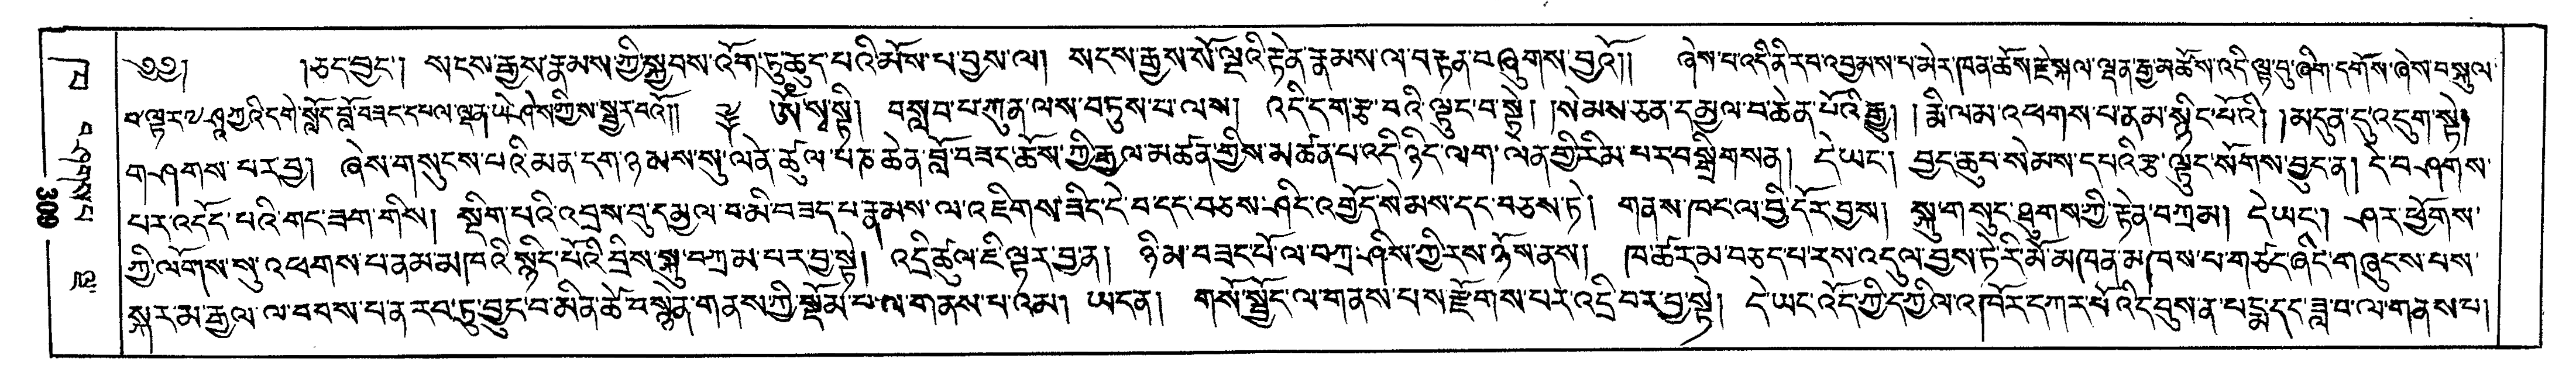༄༅། །ཅད་བྱང་། སངས་རྒྱས་རྣམས་ཀྱི་སྐྱབས་འོག་ཏུ་ཆུད་པའི་མོས་པ་བྱས་ལ། སངས་རྒྱས་སོ་ལྔའི་རྟེན་རྣམས་ལ་བརྟན་བཞུགས་བྱའོ།། ཞེས་པ་འདི་ནི་རབ་འབྱམས་པ་མེར་ཁན་ཆོས་རྗེ་སྐལ་ལྡན་རྒྱ་མཚོས་འདི་ལྟ་བུ་ཞིག་དགོས་ཞེས་བསྐུལ་
བ་ལྟར་༧་ཤཱཀྱའི་དགེ་སློང་བློ་བཟང་དཔལ་ལྡན་ཡེ་ཤེས་ཀྱིས་སྦྱར་བའོ།། ༈ ཨོཾ་སྭ་སྟི། བསླབ་པ་ཀུན་ལས་བཏུས་པ་ལས། འདི་དག་རྩ་བའི་ལྟུང་བ་སྟེ། །སེམས་ཅན་དམྱལ་བ་ཆེན་པོའི་རྒྱུ། །རྨི་ལམ་འཕགས་པ་ནམ་སྙིང་པོའི། །མདུན་དུ་འདུག་སྟེ་
བཤགས་པར་བྱ། ཞེས་གསུངས་པའི་མན་ངག་ཉམས་སུ་ལེན་ཚུལ་པཎ་ཆེན་བློ་བཟང་ཆོས་ཀྱི་རྒྱལ་མཚན་གྱིས་མཛད་པ་འདི་ཉིད་ལག་ལེན་གྱི་རིམ་པར་བསྒྲིགས་ན། དེ་ཡང་། བྱང་ཆུབ་སེམས་དཔའི་རྩ་ལྟུང་སོགས་བྱུང་ན། དེ་བཤགས་
པར་འདོད་པའི་གང་ཟག་གིས། སྡིག་བའི་འབྲས་བུ་དམྱལ་བ་མི་བཟད་པ་རྣམས་ལ་འཇིགས་ཟིང་དེ་བ་དང་བཅས་ཤིང་འགྱོད་སེམས་དང་བཅས་ཏེ། གནས་ཁང་ལ་བྱི་དོར་བྱས། སྐུ་གསུང་ཐུགས་ཀྱི་རྟེན་བཀྲམ། དེ་ཡང་། ཤར་ཕྱོགས་
ཀྱི་ལོགས་སུ་འཕགས་པ་ནམ་མཁའི་སྙིང་པོའི་བྲིས་སྐུ་བཀྲམ་པར་བྱ་སྟེ། འདྲི་ཚུལ་ཇི་ལྟར་བྱ་ན། ཉི་མ་བཟང་པོ་ལ་བཀྲ་ཤིས་ཀྱི་རས་ཉོས་ནས། ཁ་ཚར་མ་བཅད་པ་རས་འདུལ་བྱས་ཏེ་རི་མོ་མཁན་མཁས་པ་གཙང་ཞིང་གཞུངས་པས་
སྐར་མ་རྒྱལ་ལ་བབས་པ་ན་རབ་ཏུ་བྱུང་བ་མིན་ཚེ་བསྙེན་གནས་ཀྱི་སྡོམ་པ་ལ་གནས་པའམ། ཡང་ན། གསོ་སྦྱོང་ལ་གནས་བས་རྫོགས་པར་འདྲི་བར་བྱ་སྟེ། དེ་ཡང་འོད་ཀྱི་དཀྱིལ་འཁོར་དཀར་པོའི་དབུས་ན་པདམ་དང་ཟླ་བ་ལ་གནས་པ།